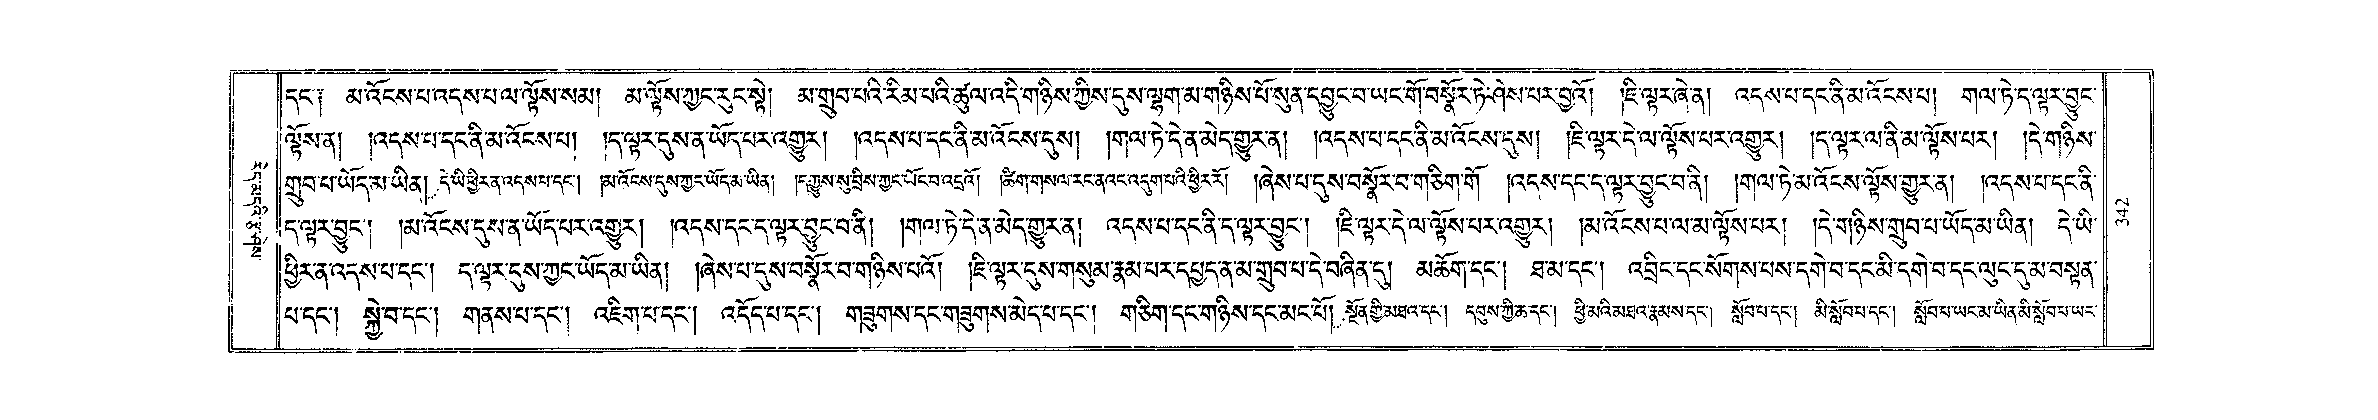དང༑ མ་འོངས་པ་འདས་པ་ལ་ལྟོས་སམ། མ་ལྟོས་ཀྱང་རུང་སྟེ། མ་གྲུབ་པའི་རིམ་པའི་ཚུལ་འདི་གཉིས་ཀྱིས་དུས་ལྷག་མ་གཉིས་པོ་སུན་དབྱུང་བ་ཡང་གོ་བསྣོར་ཏེ་ཤེས་པར་བྱའོ། །ཇི་ལྟར་ཞེ་ན། འདས་པ་དང་ནི་མ་འོངས་པ། གལ་ཏེ་ད་ལྟར་བྱུང་
ལྟོས་ན། །འདས་པ་དང་ནི་མ་འོངས་པ། །ད་ལྟར་དུས་ན་ཡོད་པར་འགྱུར། །འདས་པ་དང་ནི་མ་འོངས་དུས། །གལ་ཏེ་དེ་ན་མེད་གྱུར་ན། །འདས་པ་དང་ནི་མ་འོངས་དུས། །ཇི་ལྟར་དེ་ལ་ལྟོས་པར་འགྱུར། །ད་ལྟར་ལ་ནི་མ་ལྟོས་པར། །དེ་གཉིས་
གྲུབ་པ་ཡོད་མ་ཡིན། དེ་ཡི་ཕྱིར་ན་འདས་པ་དང་། །མ་འོངས་དུས་ཀྱང་ཡོད་མ་ཡིན། །དཀྱུས་སུ་བྲིས་ཀྱང་ཡོང་བ་འདྲའོ། །ཚིག་གསལ་རང་ནའང་འདུག་པའི་ཕྱིར་རོ།  །ཞེས་པ་དུས་བསྣོར་བ་གཅིག་གོ །འདས་དང་ད་ལྟར་བྱུང་བ་ནི། །གལ་ཏེ་མ་འོངས་ལྟོས་གྱུར་ན། །འདས་པ་དང་ནི་
ད་ལྟར་བྱུང་། །མ་འོངས་དུས་ན་ཡོད་པར་འགྱུར། །འདས་དང་ད་ལྟར་བྱུང་བ་ནི། །གལ་ཏེ་དེ་ན་མེད་གྱུར་ན། འདས་པ་དང་ནི་ད་ལྟར་བྱུང་། །ཇི་ལྟར་དེ་ལ་ལྟོས་པར་འགྱུར། །མ་འོངས་པ་ལ་མ་ལྟོས་པར། །དེ་གཉིས་གྲུབ་པ་ཡོད་མ་ཡིན། དེ་ཡི་
ཕྱིར་ན་འདས་པ་དང་། ད་ལྟར་དུས་ཀྱང་ཡོད་མ་ཡིན། །ཞེས་པ་དུས་བསྣོར་བ་གཉིས་པའོ། །ཇི་ལྟར་དུས་གསུམ་རྣམ་པར་དཔྱད་ན་མ་གྲུབ་པ་དེ་བཞིན་དུ། མཆོག་དང་། ཐ་མ་དང་། འབྲིང་དང་སོགས་པས་དགེ་བ་དང་མི་དགེ་བ་དང་ལུང་དུ་མ་བསྟན་
པ་དང་། སྐྱེ་བ་དང་། གནས་པ་དང་། འཇིག་པ་དང་། འདོད་པ་དང་། གཟུགས་དང་གཟུགས་མེད་པ་དང་། གཅིག་དང་གཉིས་དང་མང་པོ། སྔོན་གྱི་མཐའ་དང་། དབུས་ཀྱི་ཆ་དང་། ཕྱི་མའི་མཐའ་རྣམས་དང་། སློབ་པ་དང་། མི་སློབ་པ་དང་། སློབ་པ་ཡང་མ་ཡིན་མི་སློབ་པ་ཡང་